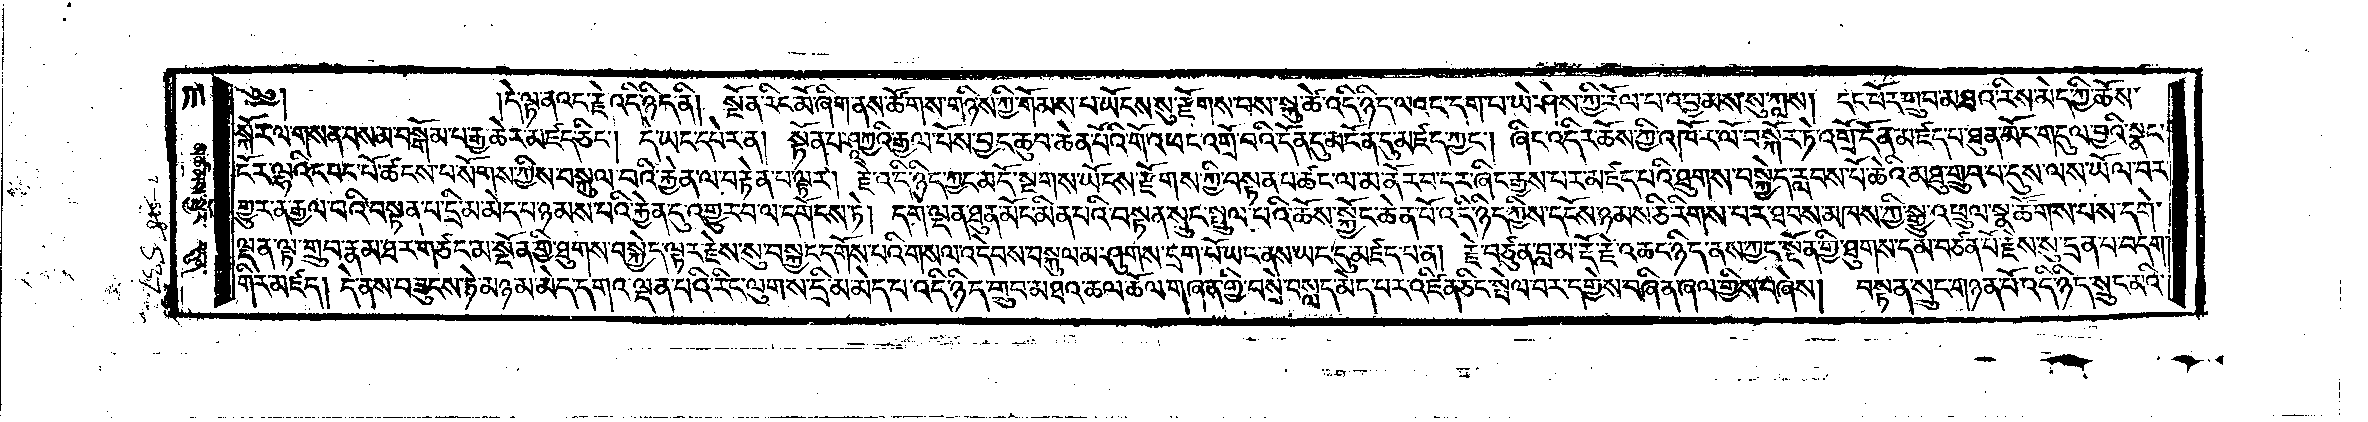༄༅། །དེ་ལྟ་ནའང་རྗེ་འདི་ཉིད་ནི། སྔོན་རིང་མོ་ཞིག་ནས་ཚོགས་གཉིས་ཀྱི་གོམས་པ་ཡོངས་སུ་རྫོགས་པས་སྐུ་ཚེ་འདི་ཉིད་ལའང་དག་པ་ཡེ་ཤེས་ཀྱི་རོལ་པ་འབྱམས་སུ་ཀླས། དང་པོར་གྲུབ་མཐའ་རིས་མེད་ཀྱི་ཆོས་
སྐོར་ལ་གསན་བསམ་བསྒོམ་པ་རྒྱ་ཆེར་མཛད་ཅིང་། དེ་ཡང་དཔེར་ན། སྟོན་པ་ཤཱཀྱའི་རྒྱལ་པོས་བྱང་ཆུབ་ཆེན་པོའི་གོ་འཕང་འགྲོ་བའི་དོན་དུ་མངོན་དུ་མཛད་ཀྱང་། ཞིང་འདིར་ཆོས་ཀྱི་འཁོར་ལོ་བསྐོར་ཏེ་འགྲོ་དོན་མཛད་པ་ཐུན་མོང་གདུལ་བྱའི་སྣང་
ངོར་ལྷའི་དབང་པོ་ཆངས་པ་སོགས་ཀྱིས་བསྐུལ་བའི་རྐྱེན་ལ་བརྟེན་པ་ལྟར། རྗེ་འདི་ཉིད་ཀྱང་མདོ་སྔགས་ཡོངས་རྫོགས་ཀྱི་བསྟན་པ་ཚང་ལ་མ་ནོར་བ་དར་ཞིང་རྒྱས་པར་མཛད་པའི་ཐུགས་བསྐྱེད་རླབས་པོ་ཆེའི་མཐུ་གྲུབ་པ་དུས་ལས་ཡོལ་བར་
གྱུར་ན་རྒྱལ་བའི་བསྟན་པ་དྲི་མ་མེད་པ་ཉམས་པའི་རྐྱེན་དུ་འགྱུར་བ་ལ་དགོངས་ཏེ། དགེ་ལྡན་ཐུན་མོང་མིན་པའི་བསྟན་སྲུང་སྤྲུལ་བའི་ཆོས་སྐྱོང་ཆེན་པོ་འདི་ཉིད་ཀྱིས་དངོས་ཉམས་ཅི་རིགས་པར་ཐབས་མཁས་ཀྱི་སྒྱུ་འཕྲུལ་སྣ་ཚོགས་པས་དགེ་
ལྡན་ལྟ་གྲུབ་རྣམ་ཐར་གཙང་མ་སྔོན་གྱི་ཐུགས་བསྐྱེད་ལྟར་རྗེས་སུ་བསྐྱང་དགོས་པའི་གསལ་འདེབས་བསྐུལ་མ་ཤུགས་དྲག་པོ་ཡང་ནས་ཡང་དུ་མཛད་པ་ན། རྗེ་བཙུན་བླ་མ་རྡོ་རྗེ་འཆང་ཉིད་ནས་ཀྱང་སྔོན་གྱི་ཐུགས་དམ་བཙན་པོ་རྗེས་སུ་དྲན་པ་བདག་
གིར་མཛད། དེ་ནས་བཟུངས་ཏེ་མཉམ་མེད་དགའ་ལྡན་པའི་རིང་ལུགས་དྲི་མ་མེད་པ་འདི་ཉིད་གྲུབ་མཐའ་ཆལ་ཆོལ་གཞན་གྱི་བསྲེ་བསླད་མེད་པར་འཛིན་ཅིང་སྤེལ་བར་དགྱེས་བཞིན་ཞལ་གྱིས་བཞེས། བསྟན་སྲུང་གཉན་པོ་འདི་ཉིད་སྲུང་མའི་